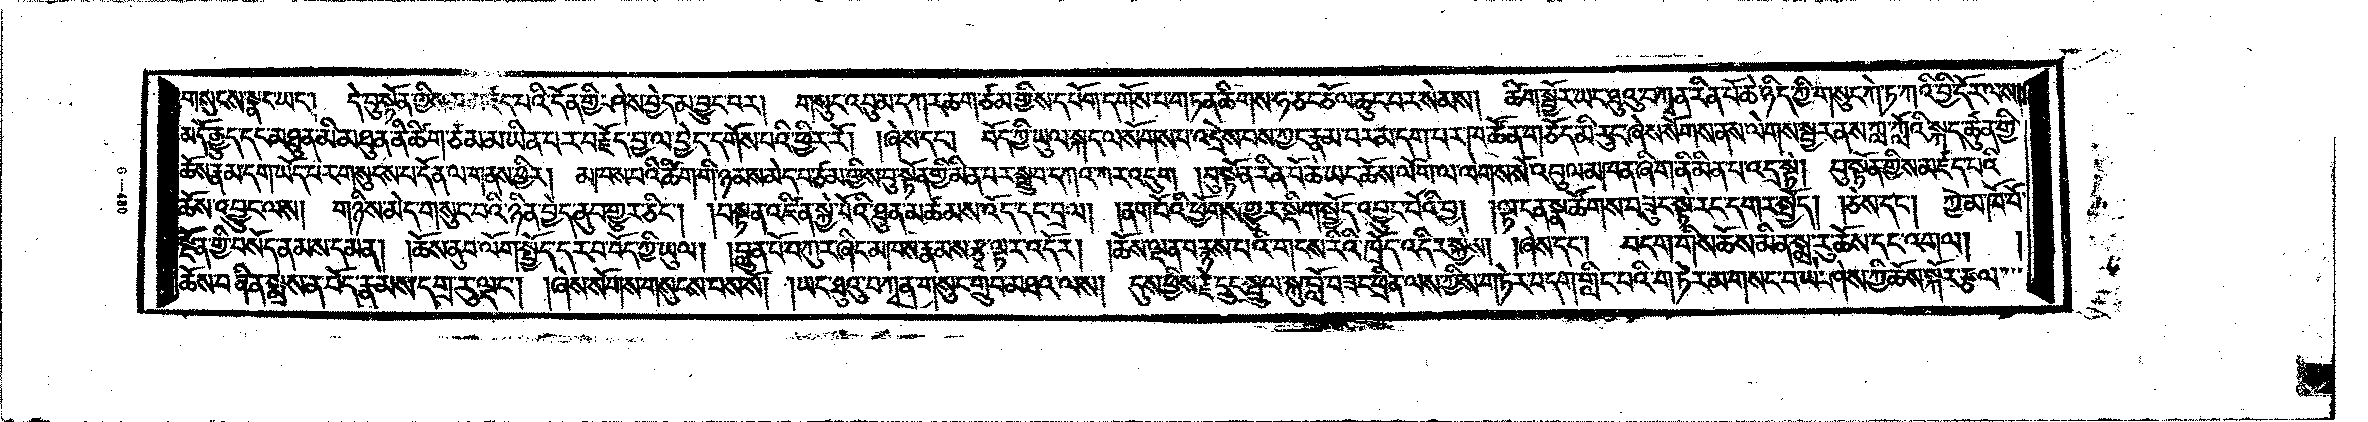གསུངས་སྣང་ཡང་། དེ་བུ་སྟོན་གྱིས་མ་མཛད་པའི་དོན་གྱི་ཤེས་བྱེད་མ་བྱུང་བར། གསུང་འབུམ་དཀར་ཆག་ཙམ་གྱིས་དཔོག་དགོས་པ་གཏན་ཚིགས་ཧ་ཅང་ཅོལ་ཆུང་བར་སེམས། ཚིག་སྦྱོར་ཡང་ཐུའུ་བཀྭན་རིན་པོ་ཆེ་ཉིད་ཀྱི་གསུང་ཀེ་ཏ་ཀའི་བྱི་དོར་ལས།
མདོ་རྒྱུད་དང་མཐུན་མི་མཐུན་ནི་ཚིག་ཙམ་མ་ཡིན་པར་བརྗོད་བྱ་ལ་བྱེད་དགོས་པའི་ཕྱིར་རོ། །ཞེས་དང་། བོད་ཀྱི་ཡུལ་སྐད་ལ་སོགས་པ་འདེས་བས་ཀྱང་རྣམ་པར་མ་དག་པར་ཁ་ཚོན་གཅོད་མི་རུང་ཞེས་སོགས་ནས་ལེགས་སྦྱར་ནས་ཀལ་ཀློའི་སྐད་ཚུན་གྱི་
ཆོས་རྣམ་དག་ཡོད་པར་གསུངས་པ་དོན་ལ་གནས་ཕྱིར། མཁས་པའི་ཚིག་གི་ཉམས་མེད་པ་ཙམ་གྱིས་བུ་སྟོན་གྱི་མིན་པར་སྒྲུབ་དཀའ་ཀར་འདུག །བུ་སྟོན་རིན་པོ་ཆེ་ཡང་ཆོས་ལོག་ལ་ལེགས་སོ་འབུལ་མཁན་ཞིག་ནི་མིན་པ་འདྲ་སྟེ། བུ་སྟོན་གྱིས་མཛད་པའི་
ཆོས་འབྱུང་ལས། གཉིས་མེད་གསུང་བའི་ཉིན་བྱེད་ནུབ་གྱུར་ཅིང་། །བསྟན་འཛིན་སྐྱེ་བོའི་ཐུན་མཚམས་འོད་དང་བྲལ། །ནག་པོའི་ཕྱོགས་གྱུར་སྡིག་སྤྱོད་འབྱུང་པོའི་བྱ། །ལྟ་ངན་སྣ་ཚོགས་བཟུང་སྟེ་རང་དགར་སྤྱོད། །ཅེས་དང་། ཀྱེ་མ་ཁོ་བོ་
སྔོན་གྱི་བསོད་ནམས་དམན། །ཆོས་ནུབ་ལོག་སྤྱོད་དར་བ་བོད་ཀྱི་ཡུལ། །བླུན་པོ་བཀུར་ཞིང་མཁས་རྣམས་རྩྭ་ལྟར་འདོར། །ཆོས་ལྡན་བརྙས་པའི་གངས་རིའི་ཁྲོད་འདིར་སྐྱེས། །ཞེས་དང་། བདག་གིས་ཆོས་མིན་སྨྲ་རུ་ཆོས་དང་འགལ། །
ཆོས་བཞིན་སྨྲས་ན་བོད་རྣམས་དགྲ་རུ་ལྡང་། །ཞེས་སོགས་གསུངས་པས་སོ། །ཡང་ཐུའུ་བཀྭན་གསུང་གྲུབ་མཐའ་ལས། དུས་ཕྱིས་རྗེ་དྲུང་སྤྲུལ་སྐུ་བློ་བཟང་ཕྲིན་ལས་ཀྱིས་གཏེར་བདག་གླིང་བའི་གཏེར་མ་གསང་བ་ཡེ་ཤེས་ཀྱི་ཆོས་སྐོར་རྩལ་